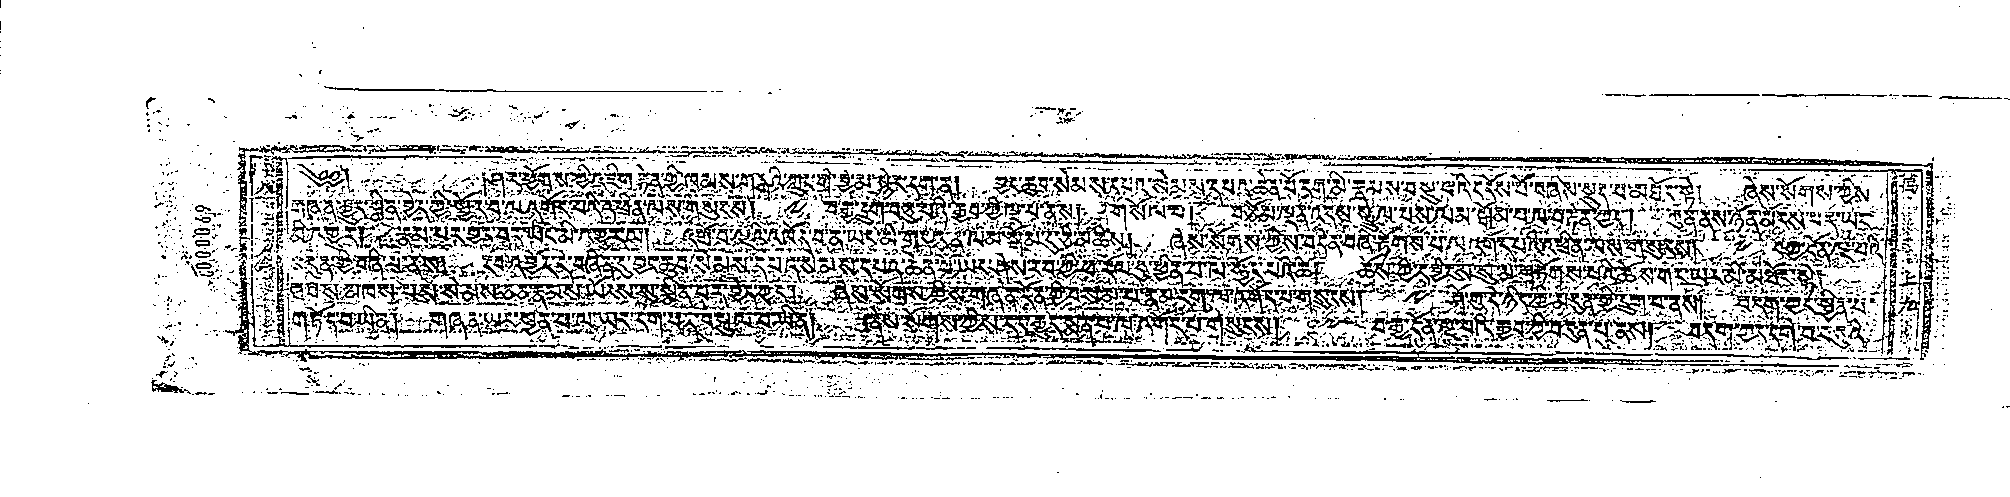༄༅། །ཤར་ཕྱོགས་ཀྱི་འཇིག་རྟེན་གྱི་ཁམས་གངྒའི་ཀླུང་གི་བྱེ་མ་སྙེད་དག་ན། བྱང་ཆུབ་སེམས་དཔའ་སེམས་དཔའ་ཆེན་པོ་དག་མི་རྣམས་བསྡུ་བའི་དངོས་པོ་བཞིས་སྡུད་པ་མཐོང་སྟེ། ཞེས་སོགས་ཀྱིས་
གཞན་རྒྱུད་སྨིན་བྱེད་ཀྱི་སྦྱོར་བ་ལ་འགོད་པའི་འཕྲིན་ལས་གསུངས། ༧་བརྒྱ་དྲུག་བཅུ་པའི་རྒྱབ་ཀྱི་ལྔ་པ་ནས། གསོལ་པ། བཅོམ་ལྡན་འདས་སྤྲུལ་པས་ལམ་སྒོམ་པ་ལ་བརྟེན་ཀྱང་། ཀུན་ནས་ཉོན་མོངས་པར་ཡང་
མི་འགྱུར། རྣམ་པར་བྱང་བར་ཡིང་མི་འགྱུར་ལ། འགྲོ་བ་ལྔའི་འཁོར་བ་ན་ཡང་མི་གདའ་ན་ལམ་སྒོམ་དུ་ཅི་མཆིས། ཞེས་སོགས་ཀྱིས་བདེན་བཞི་རྟོགས་པ་ལ་འགོད་པའི་འཕྲིན་ལས་གསུངས། ༧་བརྒྱ་དོན་ལྔ་པའི་
མདུན་གྱི་བཞི་པ་ནས། རབ་འབྱོར་དེ་བཞིན་དུ་བྱང་ཆུབ་སེམས་དཔའ་སེམས་དཔའ་ཆེན་པོ་ཡང་ཤེས་རབ་ཀྱི་ཕ་རོལ་དུ་ཕྱིན་པ་ལ་སྤྱོད་པའི་ཚེ། ཆོས་ཀྱི་དབྱིངས་སུ་མ་གཏོགས་པའི་ཆོས་གང་ཡང་མི་མཐོང་སྟེ།
ཐབས་མཁས་པས་སེམས་ཅན་རྣམས་ཡོངས་སུ་སྨིན་པར་བྱེད་ཀྱང་། ཞེས་སོགས་ཀྱིས་གཞན་དོན་གྱི་བསམ་པ་རྣམས་དག་ལ་འགོད་པ་གསུངས། ༧་ཤོ་གུ་དེ་ཉིད་ཀྱི་མདུན་གྱི་དྲུག་པ་ནས། བདག་ཀྱང་སྦྱིན་པ་
གཏོད་བ་ཡིན། གཞན་ཡང་སྦྱིན་པ་ལ་ཡང་དག་པར་བསྐུལ་བ་ཡིན། ཞེས་སོགས་ཀྱིས་དད་རྒྱུད་སྨན་པ་ལ་འགོད་པ་གསུངས། ༧་བརྒྱ་དོན་ལྔ་བའི་རྒྱབ་ཀྱི་བདུན་པ་ནས། བདག་ཀྱང་དགེ་བ་བཅུའི་